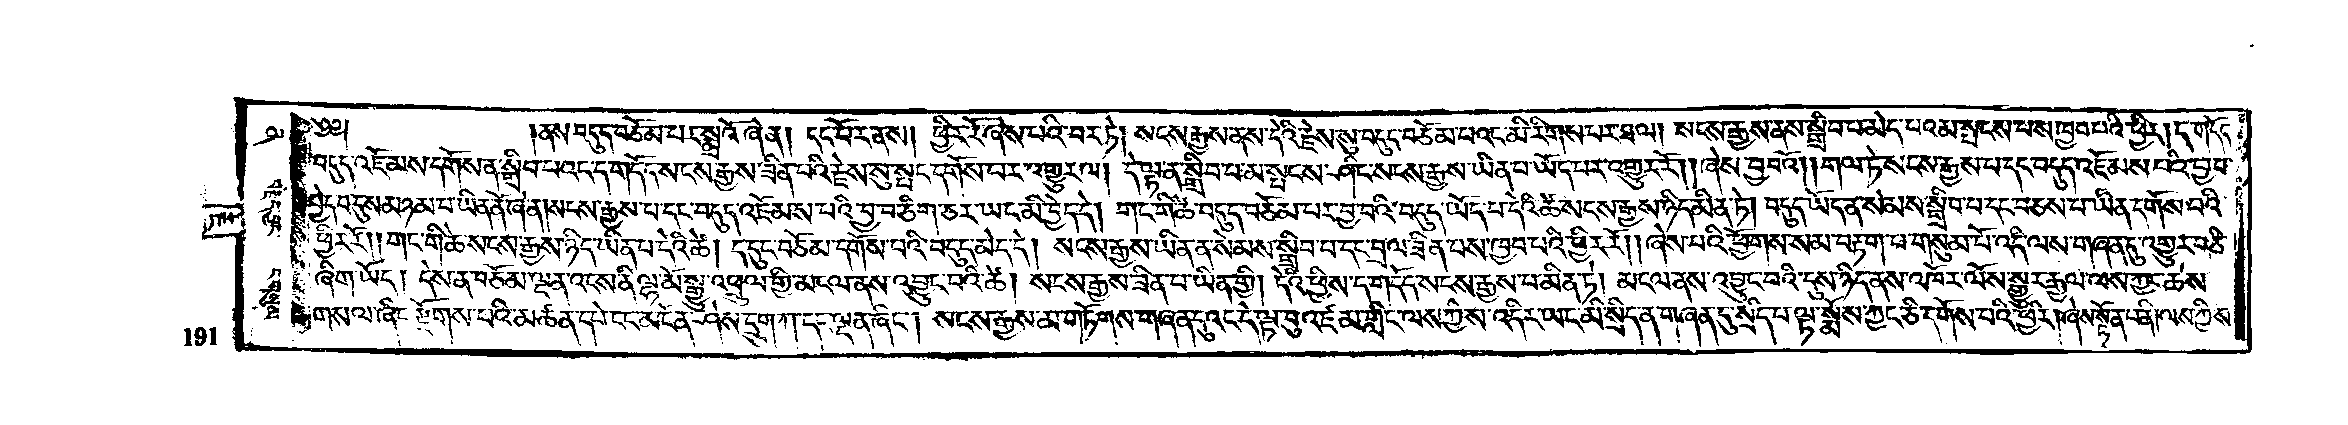༄༅། །ནས་བདུད་བཅོམ་པར་སྨྲའོ་ཞེ་ན། དང་པོར་ནས། ཕྱིར་རོ་ཞེས་པའི་བར་ཏེ། སངས་རྒྱས་ནས་དེའི་རྗེས་སུ་བདུད་བཅོམ་པའང་མི་རིགས་པར་ཐལ། སངས་རྒྱས་ནས་སྒྲིབ་པ་མེད་པའམ་སྤངས་པས་ཁྱབ་པའི་ཕྱིར། དེ་གདོད་
བདུད་འཇོམས་དགོས་ན་སྒྲིབ་པའང་ད་གདོད་སངས་རྒྱས་ཟིན་པའི་རྗེས་སུ་སྤང་དགོས་པར་འགྱུར་ལ། དེ་ལྟ་ན་སྒྲིབ་པ་མ་སྤངས་ཤིང་སངས་རྒྱས་ཡིན་པ་ཡོད་པར་འགྱུར་རོ། །ཞེས་བྱ་བའོ། །གལ་ཏེ་སངས་རྒྱས་པ་དང་བདུད་འཇོམས་པའི་བྱ་བ་
བྱེད་པ་དུས་མཉམ་པ་ཡིན་ནོ་ཞེ་ན། སངས་རྒྱས་པ་དང་བདུད་འཇོམས་པའི་བྱ་བ་ཅིག་ཅར་ཡང་མི་བྱེད་དེ། གང་གི་ཚེ་བདུད་བཅོམ་པར་བྱ་བའི་བདུད་ཡོད་པ་དེའི་ཚེ་སངས་རྒྱས་ཉིད་མིན་ཏེ། བདུད་ཡོད་ན་སེམས་སྒྲིབ་པ་དང་བཅས་པ་ཡིན་དགོས་པའི་
ཕྱིར་རོ། །གང་གི་ཚེ་སངས་རྒྱས་ཉིད་ཡིན་པ་དེའི་ཚེ། ད་དུང་བཅོམ་དགོས་པའི་བདུད་མེད་དེ། སངས་རྒྱས་ཡིན་ན་སེམས་སྒྲིབ་པ་དང་བྲལ་ཟིན་པས་ཁྱབ་པའི་ཕྱིར་རོ། །ཞེས་པའི་ཕྱོགས་སམ་བརྟག་པ་གསུམ་པོ་འདི་ལས་གཞན་དུ་འགྱུར་བཅི་
ཞིག་ཡོད། དེས་ན་བཅོམ་ལྡན་འདས་ནི་ལྷ་མོ་སྒྱུ་འཕྲུལ་གྱི་མངལ་ནས་འབྱུང་བའི་ཚེ། སངས་རྒྱས་ཟིན་པ་ཡིན་གྱི། དེའི་ཕྱིས་ད་གདོད་སངས་རྒྱས་པ་མིན་ཏེ། མངལ་ནས་འབྱུང་བའི་དུས་ཉིད་ནས་འཁོར་ལོས་སྒྱུར་རྒྱལ་ལས་ཀྱང་ཆེས་
གསལ་ཞིང་རྫོགས་པའི་མཚན་དཔེ་དང་མངོན་ཤེས་དྲུག་ཀ་དང་ལྡན་ཞིང་། སངས་རྒྱས་མ་གཏོགས་གཞན་དུའང་དེ་ལྟ་བུ་འཛམ་གླིང་ལས་ཀྱིས་འདིར་ཡང་མི་སྲིད་ན་གཞན་དུ་སྲིད་པ་ལྟ་སྨོས་ཀྱང་ཅི་དགོས་པའི་ཕྱིར། ཞེས་སྟོན་པ་ནི། ལས་ཀྱིས་